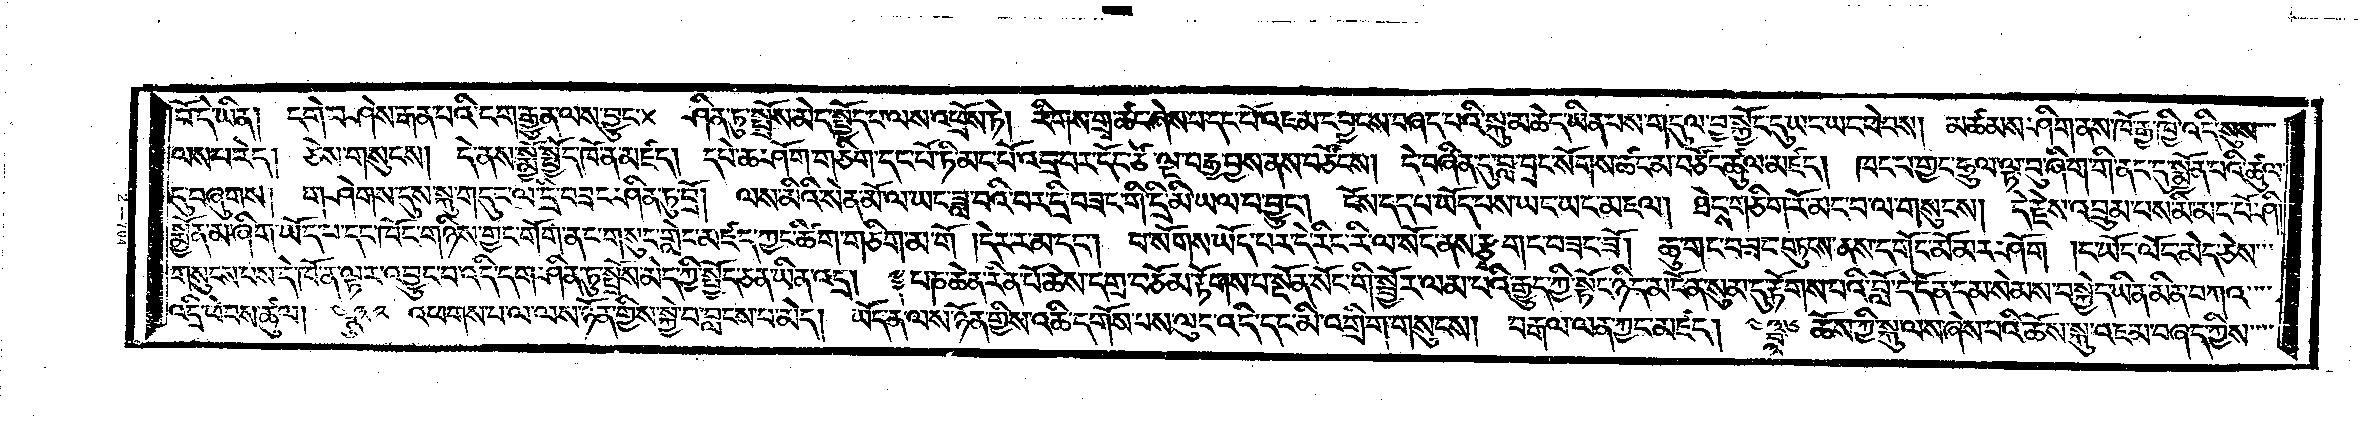བོ་དེ་ཡིན། དགེ་བཤེས་རྒན་པའི་ངག་རྒྱུན་ལས་བྱུང་྾་ཤིན་ཏུ་སྤྲོས་མེད་སྤྱོད་པ་ལས་འཕྲོས་ཏེ། རིགས་གྲྭ་ཚང་ཞེས་པ་དང་པོ་འཇམ་དབྱངས་བཞད་པའི་སྐུ་མཆེད་ཡིན་པས་གདུལ་བྱ་སྐྱོང་དུ་ཡང་ཡང་ཕེབས། མཚམས་ཤིག་ནས་ཁོ་རྒྱ་ཁྱི་འདི་སུས་
ལས་པ་རེད། ཅེས་གསུངས། དེ་ནས་སྨྱོ་སྤྱོད་ཁོ་ན་མཛད། དཔེ་ཆ་ཤོག་གཅིག་དང་པོ་ཏི་མང་པོ་འབྲ་བར་དོང་ཙེ་ལྔ་བརྒྱ་བྱས་ནས་བཙོངས། དེ་བཞིན་དུ་བླ་བྲང་སོགས་ཚང་མ་བཙོང་ཚུལ་མཛད། ཁང་པ་གྱང་ཧྲུལ་ལྟ་བུ་ཞིག་གི་ནང་དུ་སྨྱོན་པའི་ཚུལ་
དུ་བཞུགས། གཤེགས་དུས་སྐུ་གདུང་ལ་དྲི་བང་ཤིན་ཏུ་བྲོ། ལས་མིའི་སེན་མོ་ལ་ཡང་ཟླ་བའི་བར་དྲི་བཟང་གི་དྲི་མི་ཡལ་བ་བྱུང་། ངོས་དད་པ་ཡོད་པས་ཡང་ཡང་མཇལ། ཐེངས་གཅིག་རོ་མང་བ་ལ་གསུངས། དེ་རྗེས་འབྲུམ་པས་མི་མང་པོ་ཤི།
སྨྱོན་མ་ཞིག་ཡོད་པ་དང་ཁོང་གཉིས་གྱང་གོག་ནང་གསུང་གླེང་མཛད་ཀྱང་ཚིག་གཅིག་མ་གོ །དེར་ར་མ་དང་། པ་སོགས་ཡོད་པར་དེ་རིང་རི་ལ་སོང་ནས་རྩྭ་གང་བཟང་ཟོ། ཆུ་གང་བཟང་བཏུངས་ནས་དགོང་མོ་མར་ཤོག །ང་ཡོང་ལོང་མེད་ཅེས་
གསུངས་པས་དེ་ཁོ་ན་ལྟར་འབྱུང་བ་འདི་དག་ཤིན་ཏུ་སྤྲོས་མེད་ཀྱི་སྤྱོད་ཅན་ཡིན་འདྲ། ༈ པཎ་ཆེན་རིན་པོ་ཆེས་དགྲ་བཅོམ་རྟོགས་པ་སྔོན་སོང་གི་སྦྱོར་ལམ་པའི་རྒྱུད་ཀྱི་སྟོང་ཉིད་མངོན་སུམ་དུ་རྟོགས་པའི་བློ་དེ་དོན་དམ་སེམས་བསྐྱེད་ཡིན་མིན་བཀའ་
འདྲི་ཕེབས་ཚུལ། ༤༣༢ན༦་འཕགས་པ་ལ་ལས་ཉོན་གྱིས་སྐྱེ་བ་བླངས་པ་མེད། ཡོད་ན་ལས་ཉོན་གྱིས་འཆི་དགོས་པས་ལུང་འདི་དང་མི་འགྲིག་གསུངས། བརྒལ་ལན་ཀྱང་མཛད། ༤༣༦བ༣་ཆོས་ཀྱི་སྐུ་ལས་ཞེས་པའི་ཆོས་སྐུ་འཇམ་བཞད་ཀྱིས་